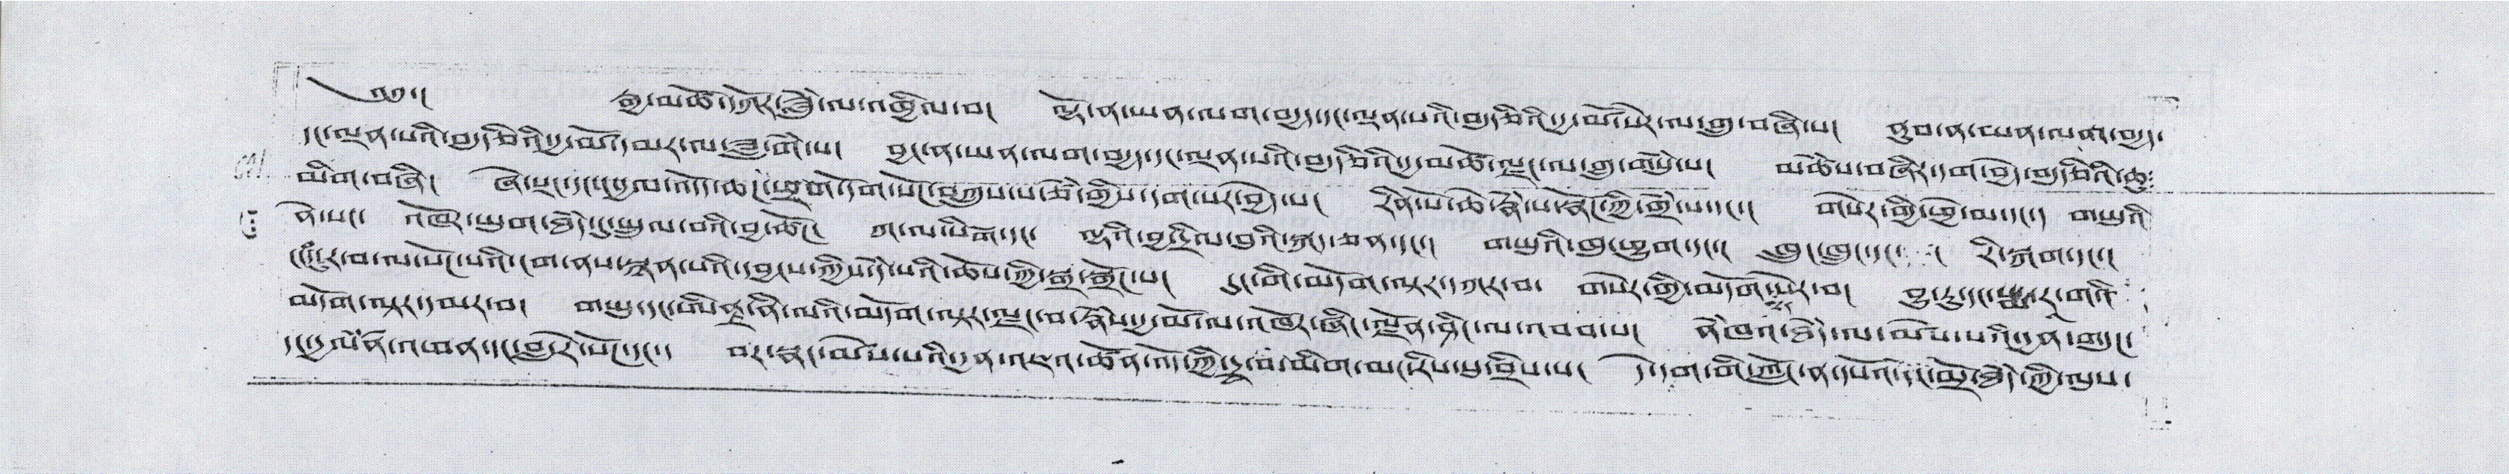རྒྱ་མཚོ་དཀར་པོ་ཟླུམ་ལ་འཁྱིལ་བ། ལྷོ་ན་ཡན་ལག་བརྒྱད་དང་ལྡན་པའི་བདུད་རྩིའི་རྒྱ་མཚོ་སེར་ལ་གྲུ་བཞི་པ། ནུབ་ན་ཡན་ལག་བརྒྱད་
དང་ལྡན་པའི་བདུད་རྩིའི་རྒྱ་མཚོ་དམར་ལ་ཟླ་གམ་པ། བྱང་ན་ཡན་ལག་བརྒྱད་དང་ལྡན་པའི་བདུད་རྩིའི་རྒྱ་མཚོ་ལྗང་ལ་གྲུ་གསུམ་པ། མཚམས་བཞིར་དག་བྱེད་བདུད་རྩིའི་ཆུ་
མིག་བཞི། ཞེ་སྡང་དང་ང་རྒྱལ་འདོད་ཆགས་ཕྲག་དོག་སོགས་བཀྲུས་པ་ཙམ་གྱིས་དག་པར་བྱེད་པ། རིན་པོ་ཆེ་རྣམ་པ་སྣ་ཚོགས་ཀྱི་གྲམ་པ་དང། གསེར་གྱི་ཕྱེ་མ་དང། གཡུའི་
ནེ་སང། འཁོར་ཡུག་ཐམས་ཅད་དུ་སྤྲུལ་པའི་བྱ་ཚོགས། ཀ་ལ་པིངྒ་དང། ལྷའི་བྱ་དྲིལ་བུའི་སྐད་ཅན་དང། གཡུའི་ཁུ་བྱུག་དང། ཁྲུང་ཁྲུང་དང། རི་སྐག་དང། 
ངང་ངུར་བ་ལ་སོགས་པའི་ངག་ནས་སྙན་པའི་དབྱངས་ཀྱིས་དམ་པའི་ཆོས་ཀྱི་སྒྲ་སྒྲོགས་པ། དུང་གི་མདོག་ལྟར་དཀར་བ། གསེར་གྱི་མདོག་ལྟར་སེར་བ། བྱུ་རུ་དང་པདྨ་རཱ་གའི་
མདོག་ལྟར་དམར་བ། གཡུ་དང་ཨིནྟྲ་ནི་ལའི་མདོག་ལྟར་ལྗང་བ་རྣམས་རྒྱ་མཚོ་ལ་འཁོར་ཞིང་ལྗོན་ཤིང་ལ་འབབ་པ། ནམ་མཁའ་ཐམས་ཅད་ལ་མཛེས་པའི་རྒྱན་གདུགས་
དང་རྒྱལ་མཚན་འཕན་དང་བླ་རེ་སོགས་དང། བར་སྣང་མཛེས་པའི་རྒྱན་འཇའ་ཚོན་འོད་ཀྱི་དྲྭ་བ་མིག་མང་རིས་སུ་བྲིས་པ། དེ་དག་གི་ཀློང་ན་དཔའ་བོ་དང་མཁའ་འགྲོ་ཐམས་ཅད་ཀྱི་ལུས་